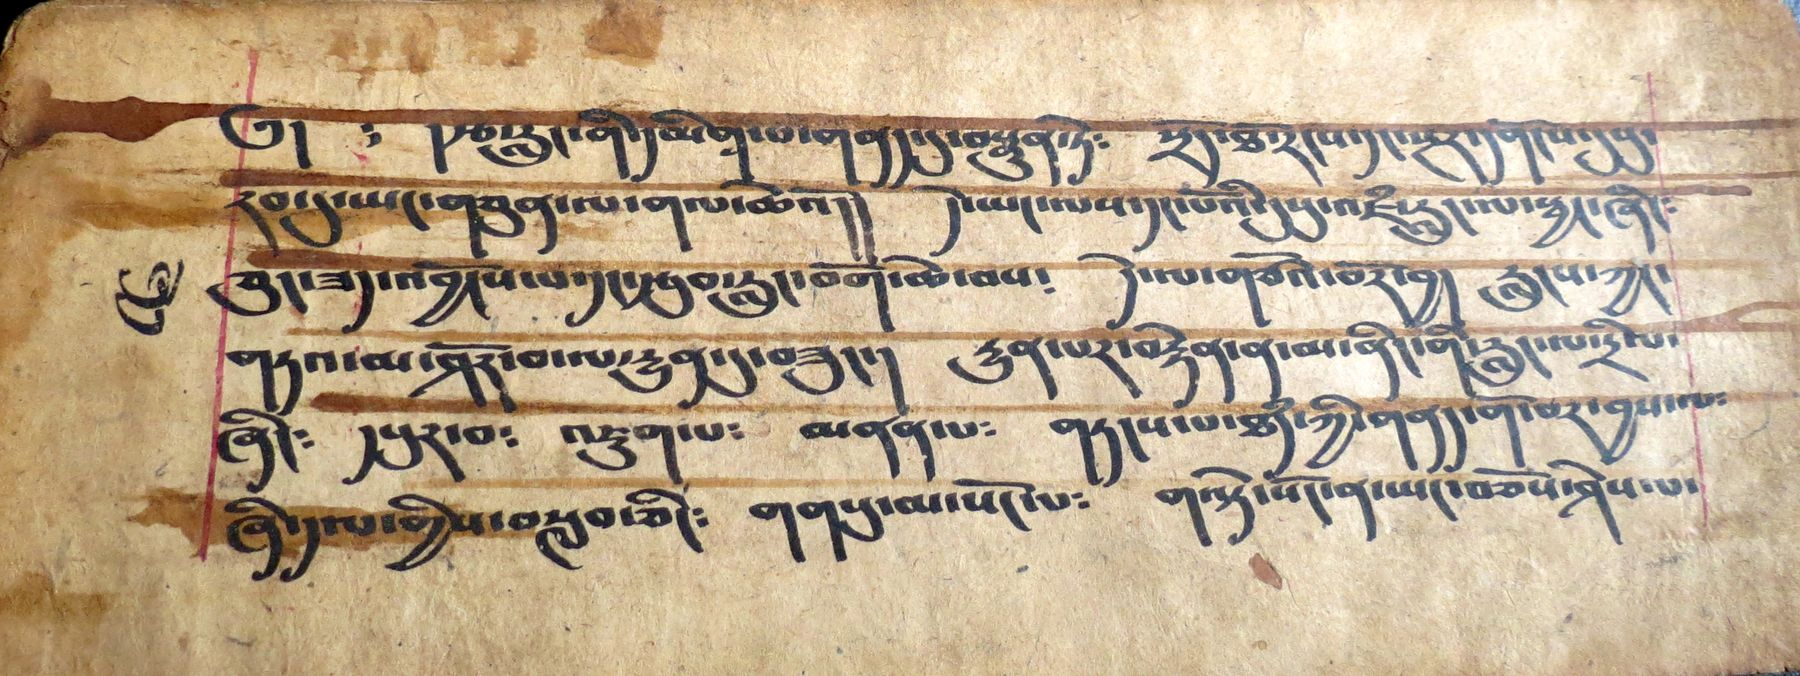རྩ་རླུང་གི་དམིགས་པ་གནད་དུ་བསྣུན་ཏེ། སྲོད་ཐོ་རངས་སྔ་དགོང་དུས་སུ་
རབ་ཏུ་གཅུན་པ་གལ་ཆེའོ། ། དེ་ཡང་ལས་དང་པོའི་དུས་སུ་འཇམ་རླུང་ལ་སྦྱང་ཞིང་
ཅུང་ཟད་འབྱོངས་པ་དང་རྩུབ་རླུང་བོགས་ཆེ་བས། དེ་ལ་གཙོ་བོར་བྱ། རླུང་ཡང་
རྟ་མ་ཤོར་བ་ལས་འགྱུར་དུ་བཟུང་། རྒྱུན་པར་བརྟེན་ན་མ་ནིང་གི་རླུང་ལ་དྲིལ་
ཞིང་། སྤུར་བ། འཇུག་པ། མནན་པ། བཏང་བ་ཐམས་ཅད་ཀྱི་གནད་གོ་བར་བྱ་ལ། 
ཞི་དལ་གྱིས་བསླབ་ཅིང་། གགས་སུ་མ་སོང་བར་གལ་ཆེ། གལ་ཏེ་སོང་ན་ཡང་བཅོས་ཤེས་པ་